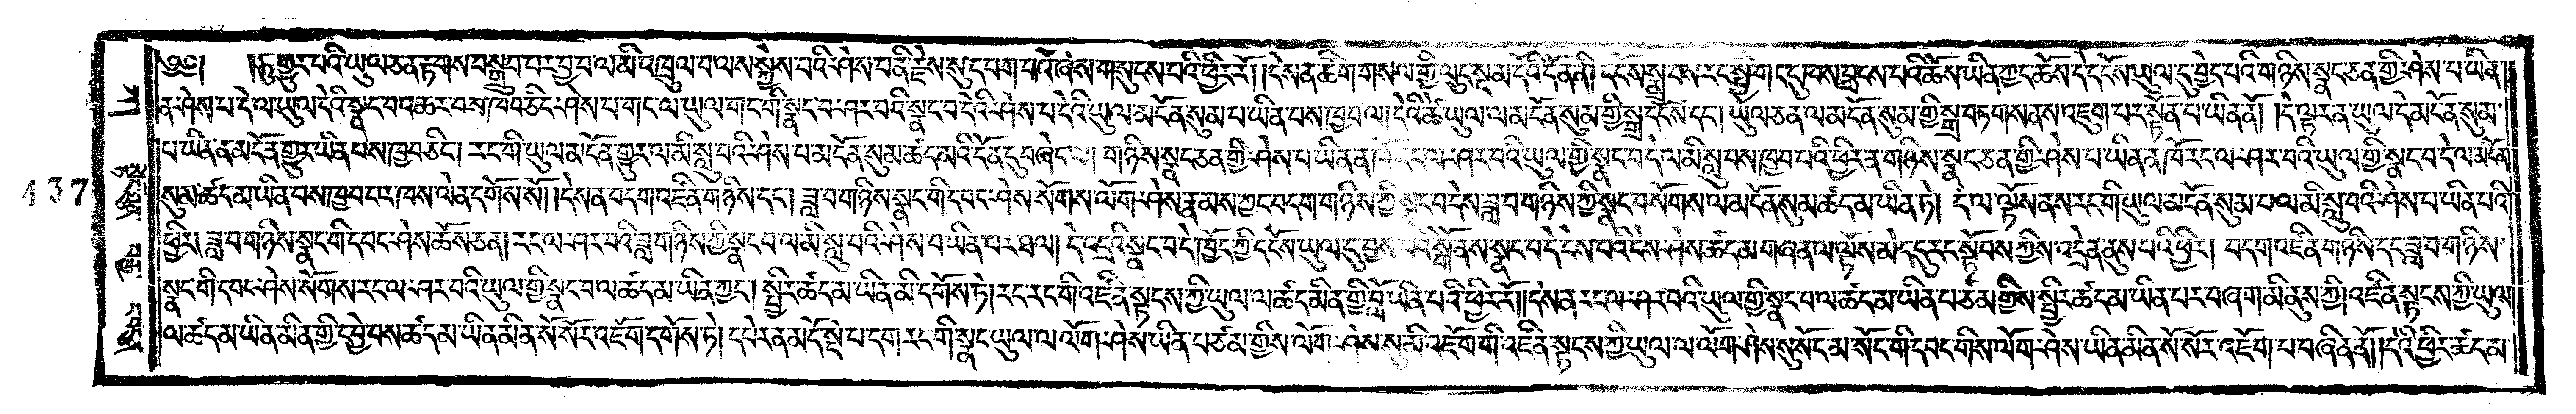༄༅། །ཏུ་གྱུར་པའི་ཡུལ་ཅན་རྟགས་བསྒྲུབ་པར་བྱ་བ་ལ་མི་འཁྲུལ་བ་ལས་སྐྱེས་པའི་ཤེས་བ་ནི་རྗེས་སུ་དཔག་པའོ་ཞེས་གསུངས་པའི་ཕྱིར་རོ། །དེས་ན་ཚིག་གསལ་གྱི་ལུང་སྔ་མ་དེའི་དོན་ནི། དངོས་སྨྲ་བས་རང་སྤྱི་གང་དུ་ཁས་བླངས་པའི་ཆོས་ཡིན་ཀྱང་ཆོས་དེ་དངོས་ཡུལ་དུ་བྱེད་པའི་གཉིས་སྣང་ཅན་གྱི་ཤེས་པ་ཡིན་
ན་ཤེས་བ་དེ་ལ་ཡུལ་དེའི་སྣང་བ་འཆར་བབ་ཁབ་ཅིང་ཤེས་པ་གང་ལ་ཡུལ་གང་གི་སྣང་བ་ཤར་བའི་སྣང་བ་དེའི་ཤེས་པ་དེའི་ཡུལ་མངོན་སུམ་པ་ཡིན་པས་ཁྱབ་ལ། དེའི་ཚེ་ཡུལ་ལ་མངོན་སུམ་གྱི་སྒྲ་དངོས་དང་། ཡུལ་ཅན་ལ་མངོན་སུམ་གྱི་སྒྲ་བཏགས་ནས་འཇུག་པར་སྟོན་པ་ཡིན་ནོ། །དེ་ལྟར་ན་ཡུལ་དེ་མངོན་སུམ་
པ་ཡིན་ན་མངོན་གྱུར་ཡིན་པས་ཁྱབ་ཅིང་། རང་གི་ཡུལ་མངོན་གྱུར་ལ་མི་སླུ་བའི་ཤེས་པ་མངོན་སུམ་ཚད་མའི་དོན་དུ་བཞེད་ལ། གཉིས་སྣང་ཅན་གྱི་ཤེས་པ་ཡིན་ན་ཁོ་རང་ལ་ཤར་བའི་ཡུལ་གྱི་སྣང་བ་དེ་ལ་མི་སླུ་བས་ཁྱབ་པའི་ཕྱིར་ན་གཉིས་སྣང་ཅན་གྱི་ཤེས་པ་ཡིན་ན་ཁོ་རང་ལ་ཤར་བའི་ཡུལ་གྱི་སྣང་བ་དེ་ལ་མངོན་
སུམ་ཚད་མ་ཡིན་བས་ཁྱབ་པར་ཁས་ལེན་དགོས་སོ། །དེས་ན་བདག་འཛིན་གཉིས་དང་། ཟླ་བ་གཉིས་སྣང་གི་དབང་ཤེས་སོགས་ལོག་ཤེས་རྣམས་ཀྱང་བདག་གཉིས་ཀྱི་སྣང་བ་དེས་ཟླ་བ་གཉིས་ཀྱི་སྣང་བ་སོགས་ལ་མངོན་སུམ་ཚད་མ་ཡིན་ཏེ། དེ་ལ་ལྟོས་ནས་རང་གི་ཡུལ་མངོན་སུམ་པ་ལ་མི་སླུ་བའི་ཤེས་པ་ཡིན་པའི་
ཕྱིར༑ ཟླ་བ་གཉིས་སྣང་གི་དབང་ཤེས་ཆོས་ཅན། རང་ལ་ཤར་བའི་ཟླ་གཉིས་ཀྱི་སྣང་བ་ལ་མི་སླུ་བའི་ཤེས་བ་ཡིན་པར་ཐལ། དེ་འདྲའི་སྣང་བ་དེ་ཁྱོད་ཀྱི་དངོས་ཡུལ་དུ་བྱས་པའི་སྒོ་ནས་སྣང་བ་དེ་ངེས་པའི་ངེས་ཤེས་ཚད་མ་གཞན་ལ་ལྟོས་མེད་དུ་རང་སྟོབས་ཀྱིས་འདྲེན་ནུས་པའི་ཕྱིར། བདག་འཛིན་གཉིས་དང་ཟླ་བ་གཉིས་
སྣང་གི་དབང་ཤེས་སོགས་རང་ལ་ཤར་བའི་ཡུལ་གྱི་སྣང་བ་ལ་ཚད་མ་ཡིན་ཀྱང་། སྤྱིར་ཚད་མ་ཡིན་མི་དགོས་ཏེ། རང་རང་གི་འཛིན་སྟངས་ཀྱི་ཡུལ་ལ་ཚད་མིན་གྱི་བློ་ཡིན་པའི་ཕྱིར་རོ། །དེས་ན་རང་ལ་ཤར་བའི་ཡུལ་གྱི་སྣང་བ་ལ་ཚད་མ་ཡིན་པ་ཙམ་གྱིས་སྤྱིར་ཚད་མ་ཡིན་པར་བཞག་མི་ནུས་ཀྱི། འཛིན་སྟངས་ཀྱི་ཡུལ་
ལ་ཚད་མ་ཡིན་མིན་གྱི་དབྱེ་བས་ཚད་མ་ཡིན་མིན་སོ་སོར་འཇོག་དགོས་ཏེ། དཔེར་ན་མདོ་སྡེ་པ་དག་རང་གི་སྣང་ཡུལ་ལ་ལོག་ཤེས་ཡིན་པ་ཙམ་གྱིས་ལོག་ཤེས་སུ་མི་འཇོག་གི་འཛིན་སྟངས་ཀྱི་ཡུལ་ལ་ལོག་ཤེས་སུ་སོང་མ་སོང་གི་དབང་གིས་ལོག་ཤེས་ཡིན་མིན་སོ་སོར་འཇོག་པ་བཞིན་ནོ། །དེའི་ཕྱིར་ཚད་མ་